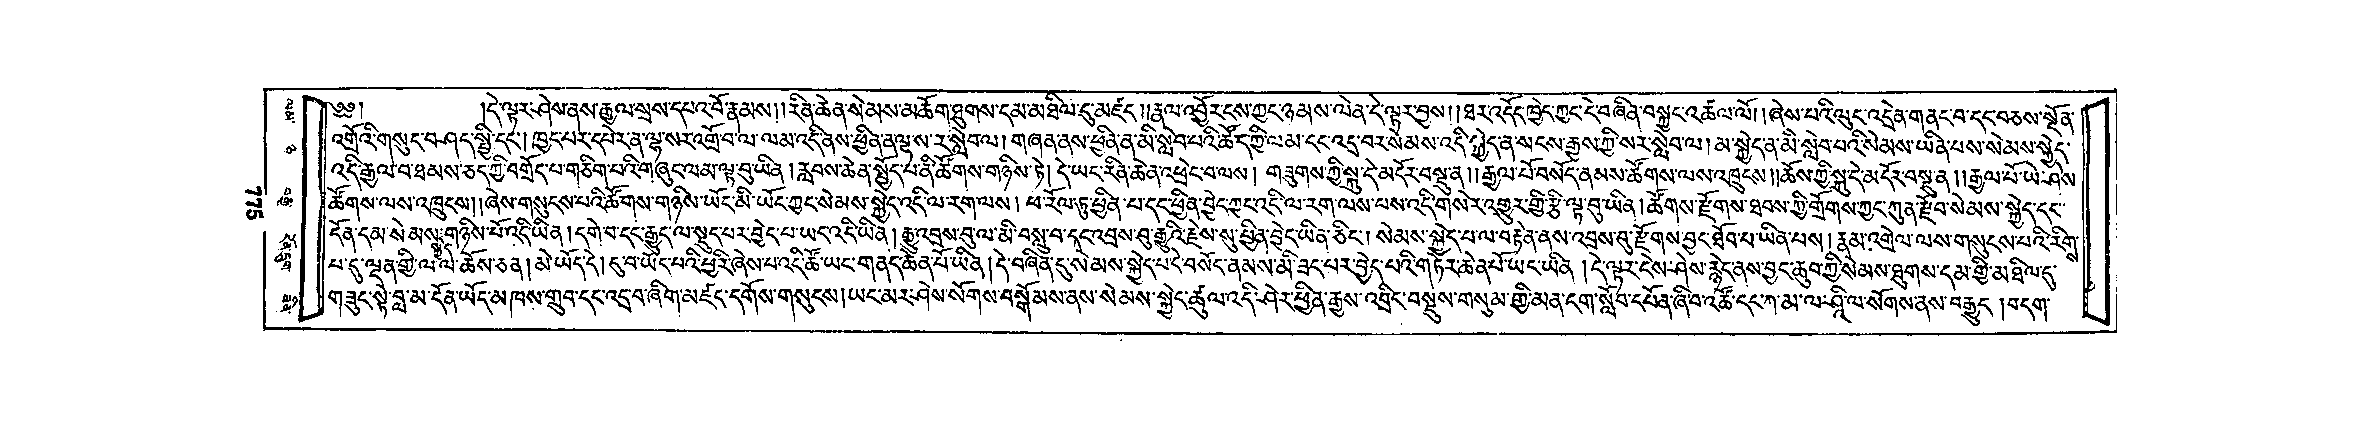༄༅། །དེ་ལྟར་ཤེས་ནས་རྒྱལ་སྲས་དཔའ་བོ་རྣམས། །རིན་ཆེན་སེམས་མཆོག་ཐུགས་དམ་མཐིལ་དུ་མཛད། །རྣལ་འབྱོར་ངས་ཀྱང་ཉམས་ལེན་དེ་ལྟར་བྱས། །ཐར་འདོད་ཁྱེད་ཀྱང་དེ་བཞིན་བསྐྱང་འཚལ་ལོ། །ཞེས་པའི་ལུང་འདྲེན་གནང་བ་དང་བཅས་སྔོན་
འགྲོའི་གསུང་བཤད་སྤྱི་དང་། ཁྱད་པར་དཔེར་ན་ལྷ་སར་འགྲོ་བ་ལ་ལམ་འདི་ནས་ཕྱིན་ན་ལྷ་ས་ར་སླེབ་ལ། གཞན་ནས་ཕྱིན་ན་མི་སླེབ་པའི་ཚོད་ཀྱི་ལམ་དང་འདྲ་བར་སེམས་འདི་སྐྱེད་ན་སངས་རྒྱས་ཀྱི་སར་སླེབ་ལ། མ་སྐྱེད་ན་མི་སླེབ་པའི་སེམས་ཡིན་པས་སེམས་སྐྱེད་
འདི་རྒྱལ་བ་ཐམས་ཅད་ཀྱི་བགྲོད་པ་གཅིག་པའི་གཞུང་ལམ་ལྟ་བུ་ཡིན། རླབས་ཆེན་སྤྱོད་པ་ནི་ཚོགས་གཉིས་ཏེ། དེ་ཡང་རིན་ཆེན་འཕྲེང་བ་ལས། གཟུགས་ཀྱི་སྐུ་དེ་མདོར་བསྡུ་ན། །རྒྱལ་པོ་བསོད་ནམས་ཚོགས་ལས་འཁྲུངས། །ཆོས་ཀྱི་སྐུ་དེ་མདོར་བསྡུ་ན། །རྒྱལ་པོ་ཡེ་ཤེས་
ཚོགས་ལས་འཁྲུངས། །ཞེས་གསུངས་པའི་ཚོགས་གཉིས་ཡོང་མི་ཡོང་ཀྱང་སེམས་སྐྱེད་འདི་ལ་རག་ལས། ཕ་རོལ་ཏུ་ཕྱིན་པ་དང་ཕྱིན་བྱེད་ཀྱང་འདི་ལ་རག་ལས་པས་འདི་གསེར་འགྱུར་གྱི་རྩི་ལྟ་བུ་ཡིན། ཚོགས་རྫོགས་ཐབས་ཀྱི་གྲོགས་ཀྱང་ཀུན་རྫོབ་སེམས་སྐྱེད་དང་
དོན་དམ་སེམས་སྐྱེད་གཉིས་པོ་འདི་ཡིན། དགེ་བ་དང་རྒྱུད་ལ་སྡུད་པར་བྱེད་པ་ཡང་འདི་ཡིན། རྒྱུ་འབྲས་བུ་ལ་མི་བསླུ་བ་དང་འབྲས་བུ་རྒྱུའི་རྗེས་སུ་ཕྱིན་བྱེད་ཡིན་ཅིང་། སེམས་སྐྱེད་པ་ལ་བརྟེན་ནས་འབྲས་བུ་རྫོགས་བྱང་ཐོབ་པ་ཡིན་པས། རྣམ་འགྲེལ་ལས་གསུངས་པའི་རིགས་
པ་དུ་ལྡན་གྱི་ལ་ལ་ཆོས་ཅན། མེ་ཡོད་དེ། དུ་བ་ཡོད་པའི་ཕྱིར་ཞེས་པ་འདི་ཚོ་ཡང་གནད་ཆེན་པོ་ཡིན། དེ་བཞིན་དུ་སེམས་སྐྱེད་པ་དེ་བསོད་ནམས་མི་ཟད་པར་བྱེད་པའི་གཏེར་ཆེན་པོ་ཡང་ཡིན། དེ་ལྟར་ངེས་ཤེས་རྙེད་ནས་བྱང་ཆུབ་ཀྱི་སེམས་ཐུགས་དམ་གྱི་མཐིལ་དུ་
གཟུང་སྟེ་བླ་མ་དོན་ཡོད་མཁས་གྲུབ་དང་འདྲ་བ་ཞིག་མཛད་དགོས་གསུངས། ཡང་མར་ཤེས་སོགས་བསྒོམས་ནས་སེམས་སྐྱེད་ཚུལ་འདི་ཤེར་ཕྱིན་རྒྱས་འབྲིང་བསྡུས་གསུམ་གྱི་མན་ངག་སློབ་དཔོན་ཞི་བ་འཚོ་དང་ཀ་མ་ལ་ཤཱི་ལ་སོགས་ནས་བརྒྱུད། བདག་